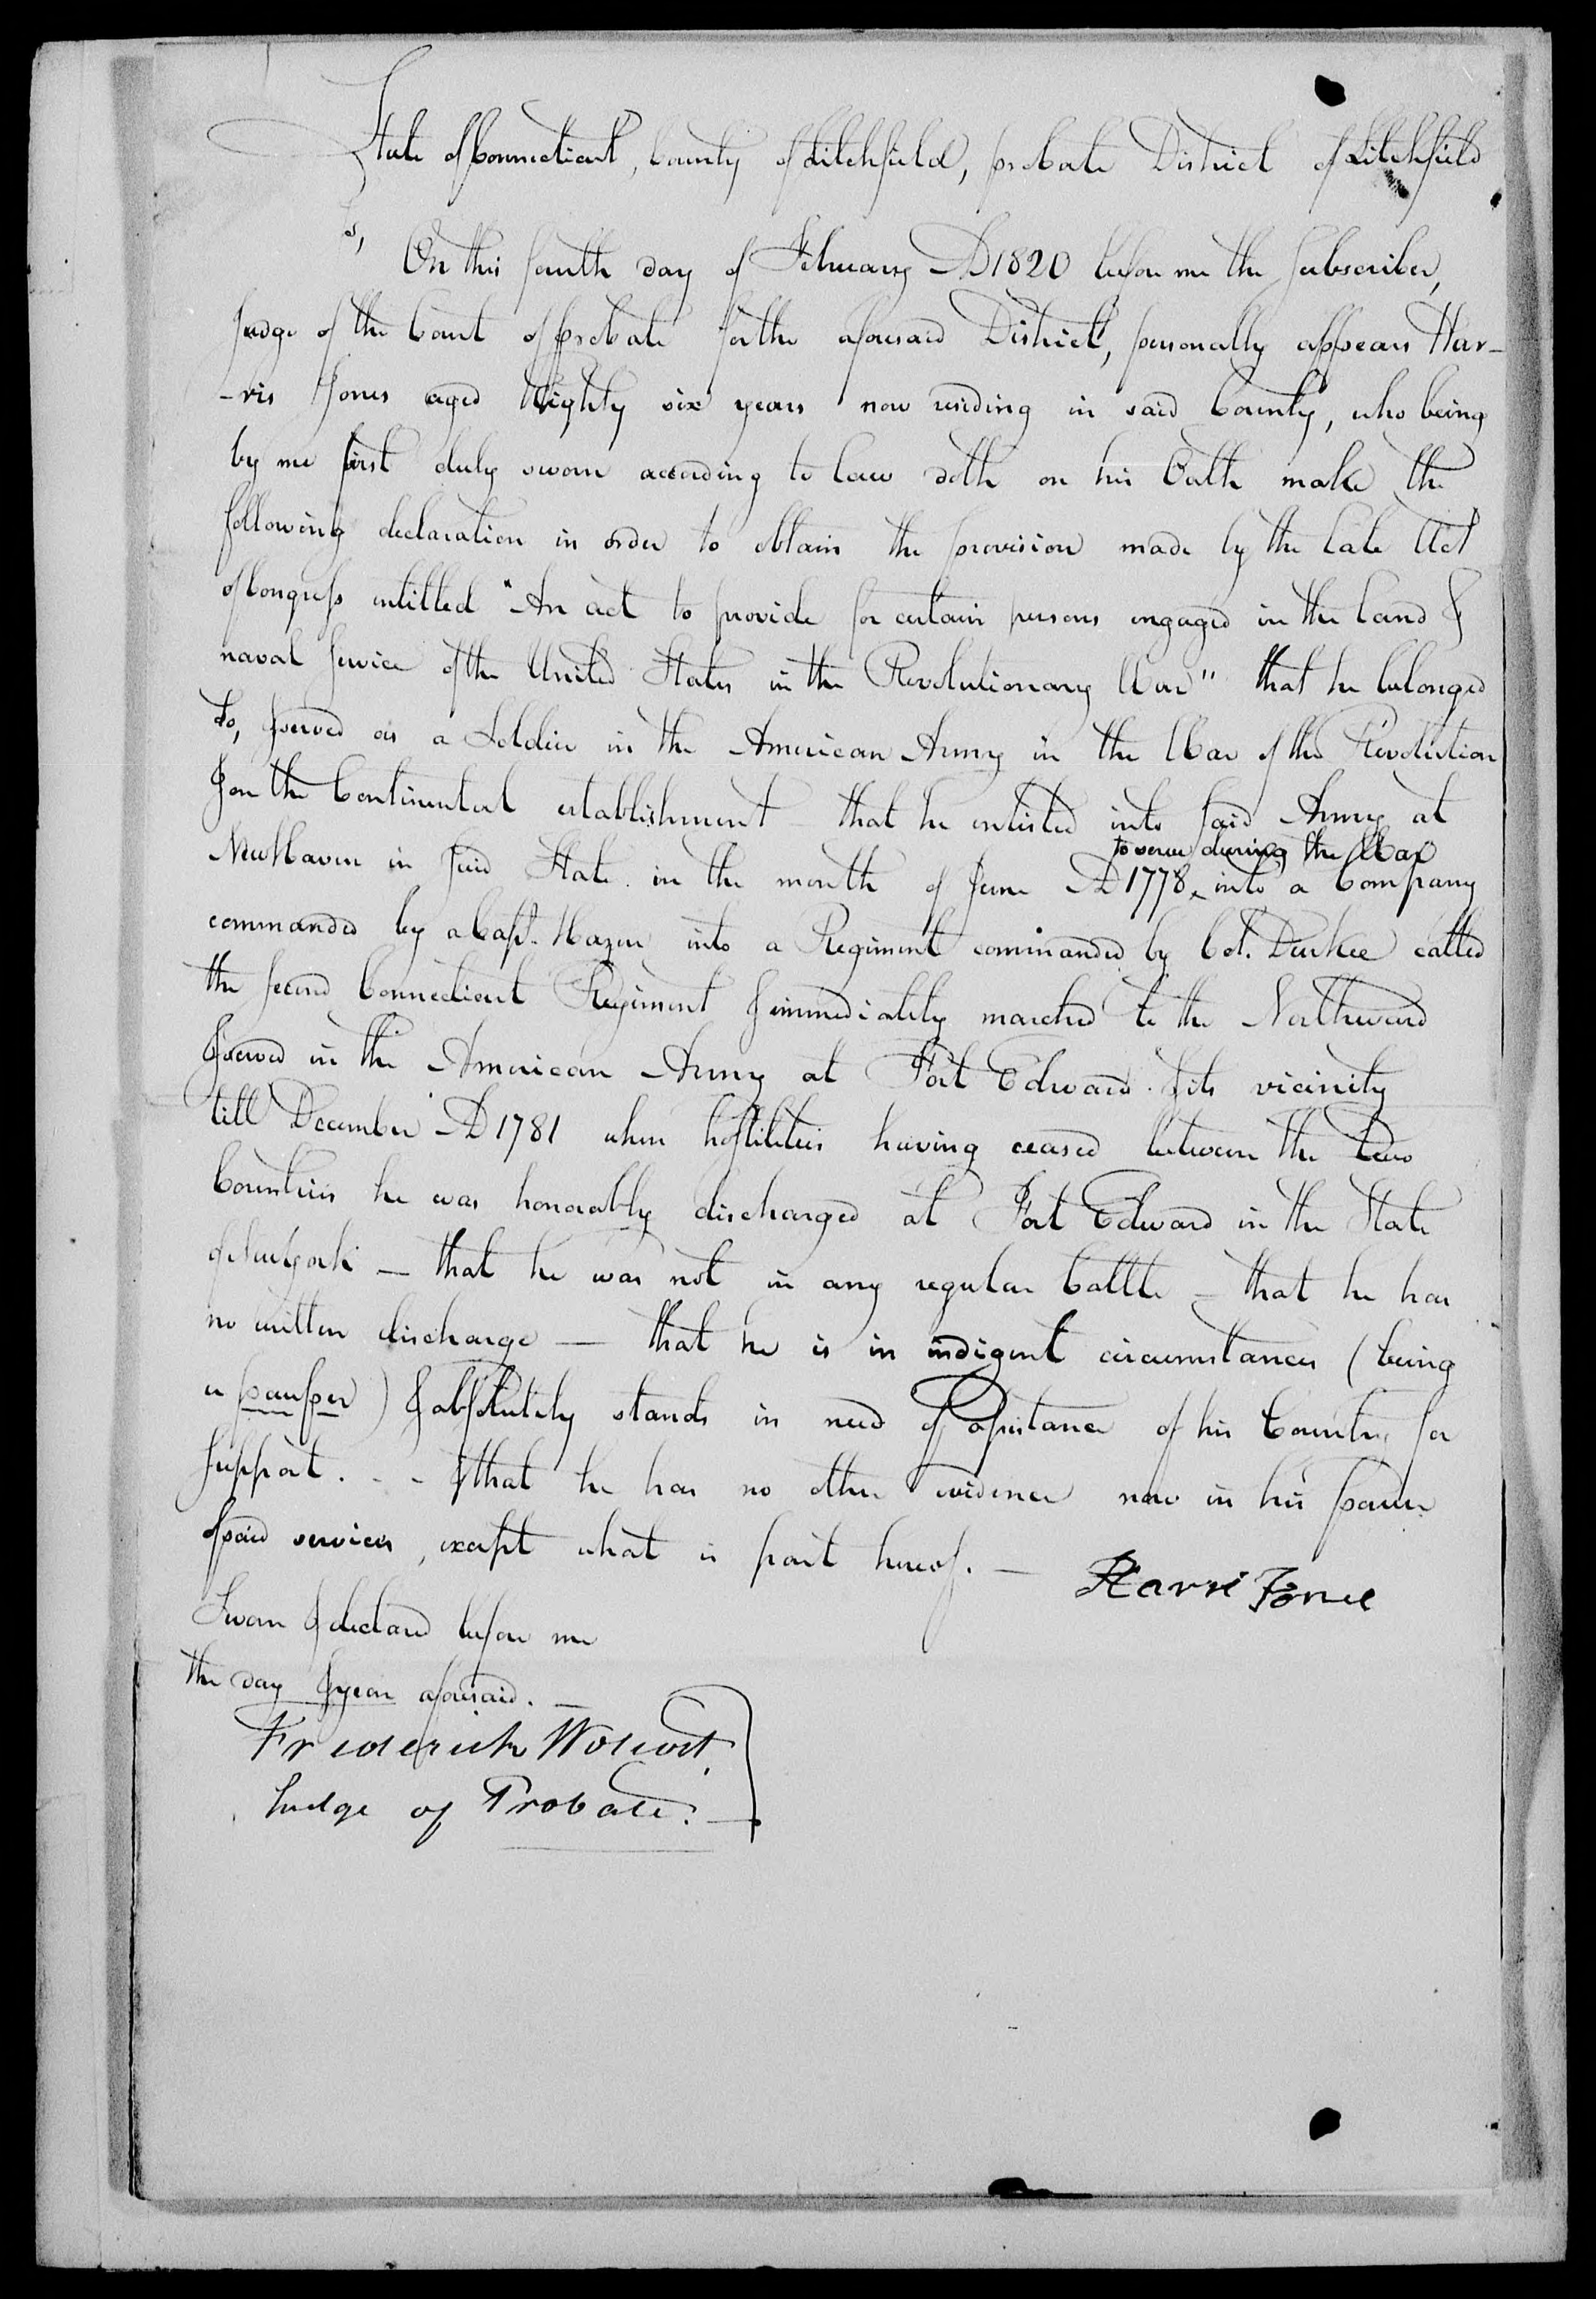State of Connecticut, County of Litchfield, Probate District of Litchfield
ss, On this fourth day of February AD 1820 before me the Subscribed, Judge of the Court of Probate for the aforesaid District, personally appears Harris Jones aged Eighty six years now residing in said County, who being by me first duly sworn according to law doth on his Oath make the following declaration in order to
obtain the provision made by the Late Act
of Congress entitled "An act to provide for certain persons engaged in the land &
naval service of the United States in the Revolutionary War" that he belonged &,
served as a Soldier in the American Army in the War of the Revolution on the Continental establishment that he enlisted into said Army at Newhaven in said that in the month of June AD 1778 ^to serve during the War^ into a Company commanded by Capt. Hazen into a Regiment commanded by Col. Durkee called
the Second Connecticut Regiment & immediately marched to the Northward
Served in the American Army at Fort Edwards & its vicinity till December AD 1781 when hostilities having ceased between the two
Countries he was honorably discharged at Fort Edward in the State of New York- that he was not in any regular battle - that he has no
written discharge - that he is in indigent circumstances (being a pauper) & absolutely stands in need of a pitance of his Country for
support.-- that he has no other evidence now in his power of said services, except what is part hereof.- Harris Jones
Sworn & declared before me the day & year aforesaid.-
Frederick Wolcott,
Judge of Probate.-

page: 8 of 11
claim: survivor's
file: S. 36655, for Harris Jones, Connecticut